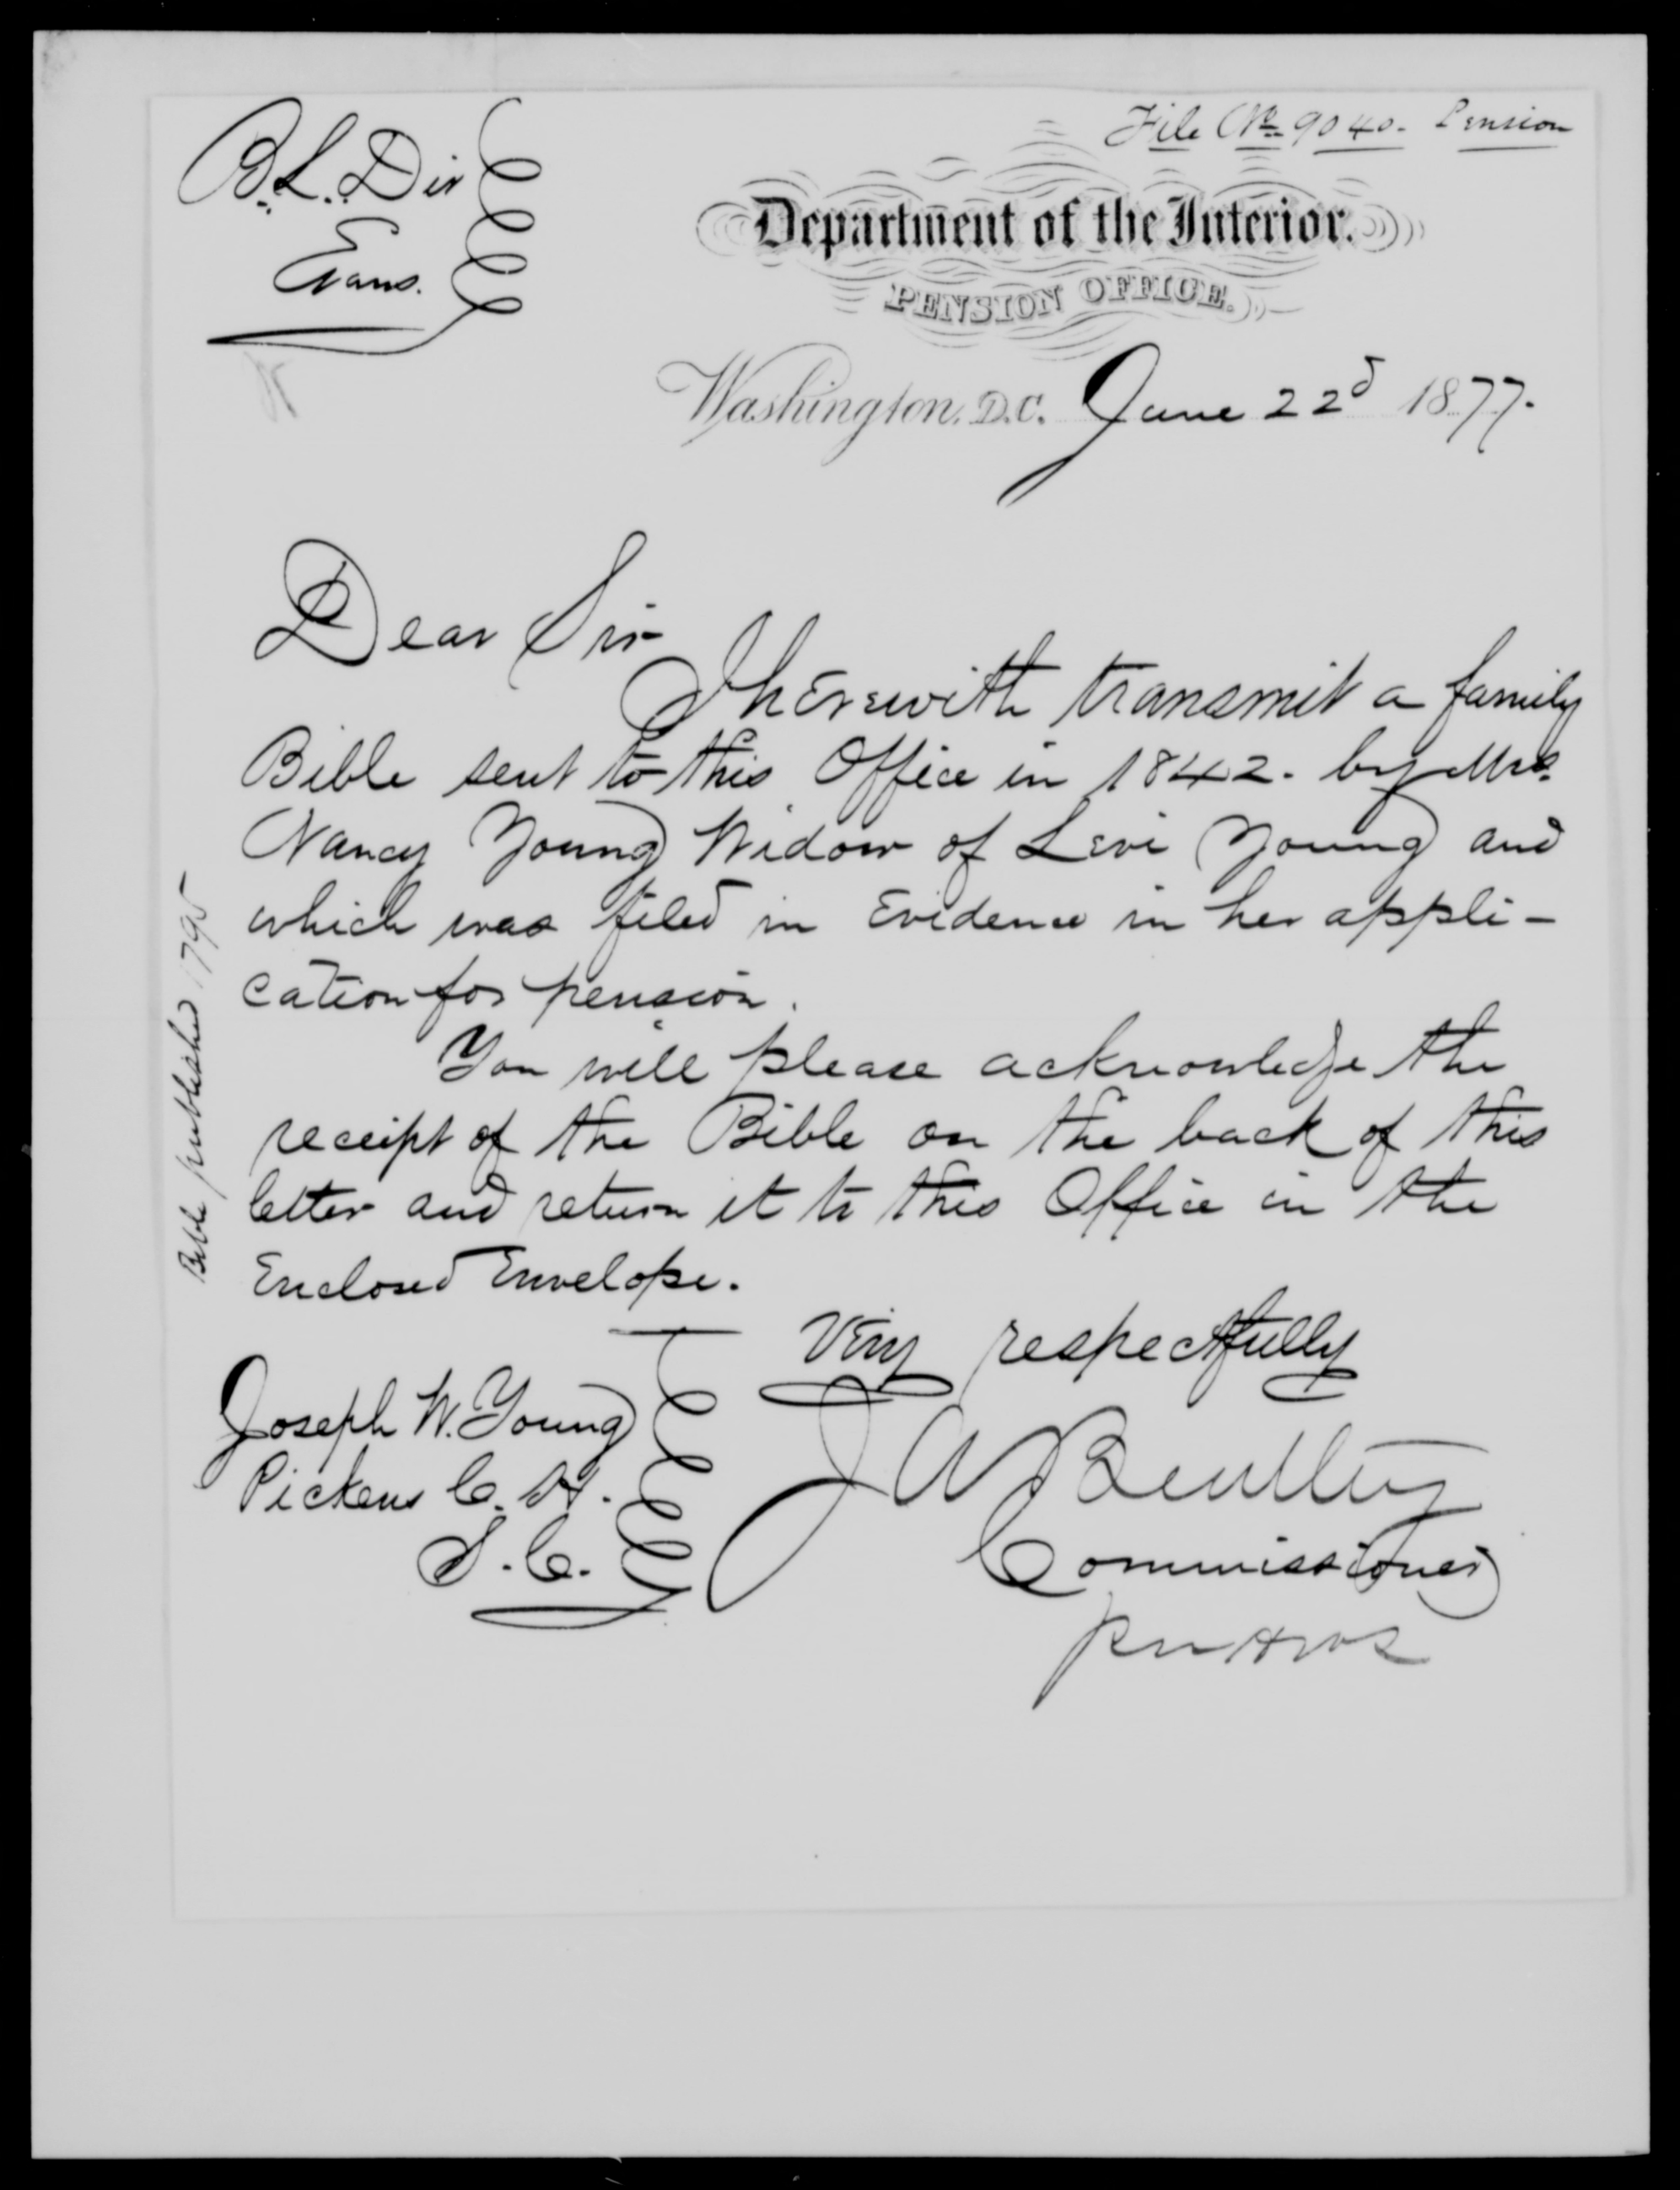B.L.Div [Bounty Land Division]                  
Evans. 

File No. 9040 Pension

Department of the Interior.
PENSION OFFICE.

Washington, D.C. June 22d 1877.

Dear Sir:
     I herewith transmit a family
Bible sent to this Office in 1842. by Mrs.
Nancy Young widow of Levy Young and
which was filed in Evidence in her appli-
cation for pension.
     You will please acknowledge the
receipt of the Bible on the back of this
letter and return it to this Office in the 
Enclosed Envelope.

(text written in left margin of letter) Bible published 1795

Joseph W. Young
Pickens C.H. [Court House]
S.C. [South Carolina]

Very respectfully
J [John] A Bentley
Commissioner
Pensions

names: Joseph W Young, J A Bentley, Levi Young, Nancy Young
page: 37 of 56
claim: widow's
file: W. 9040, Levi Young, Ga. New Jersey S.C.